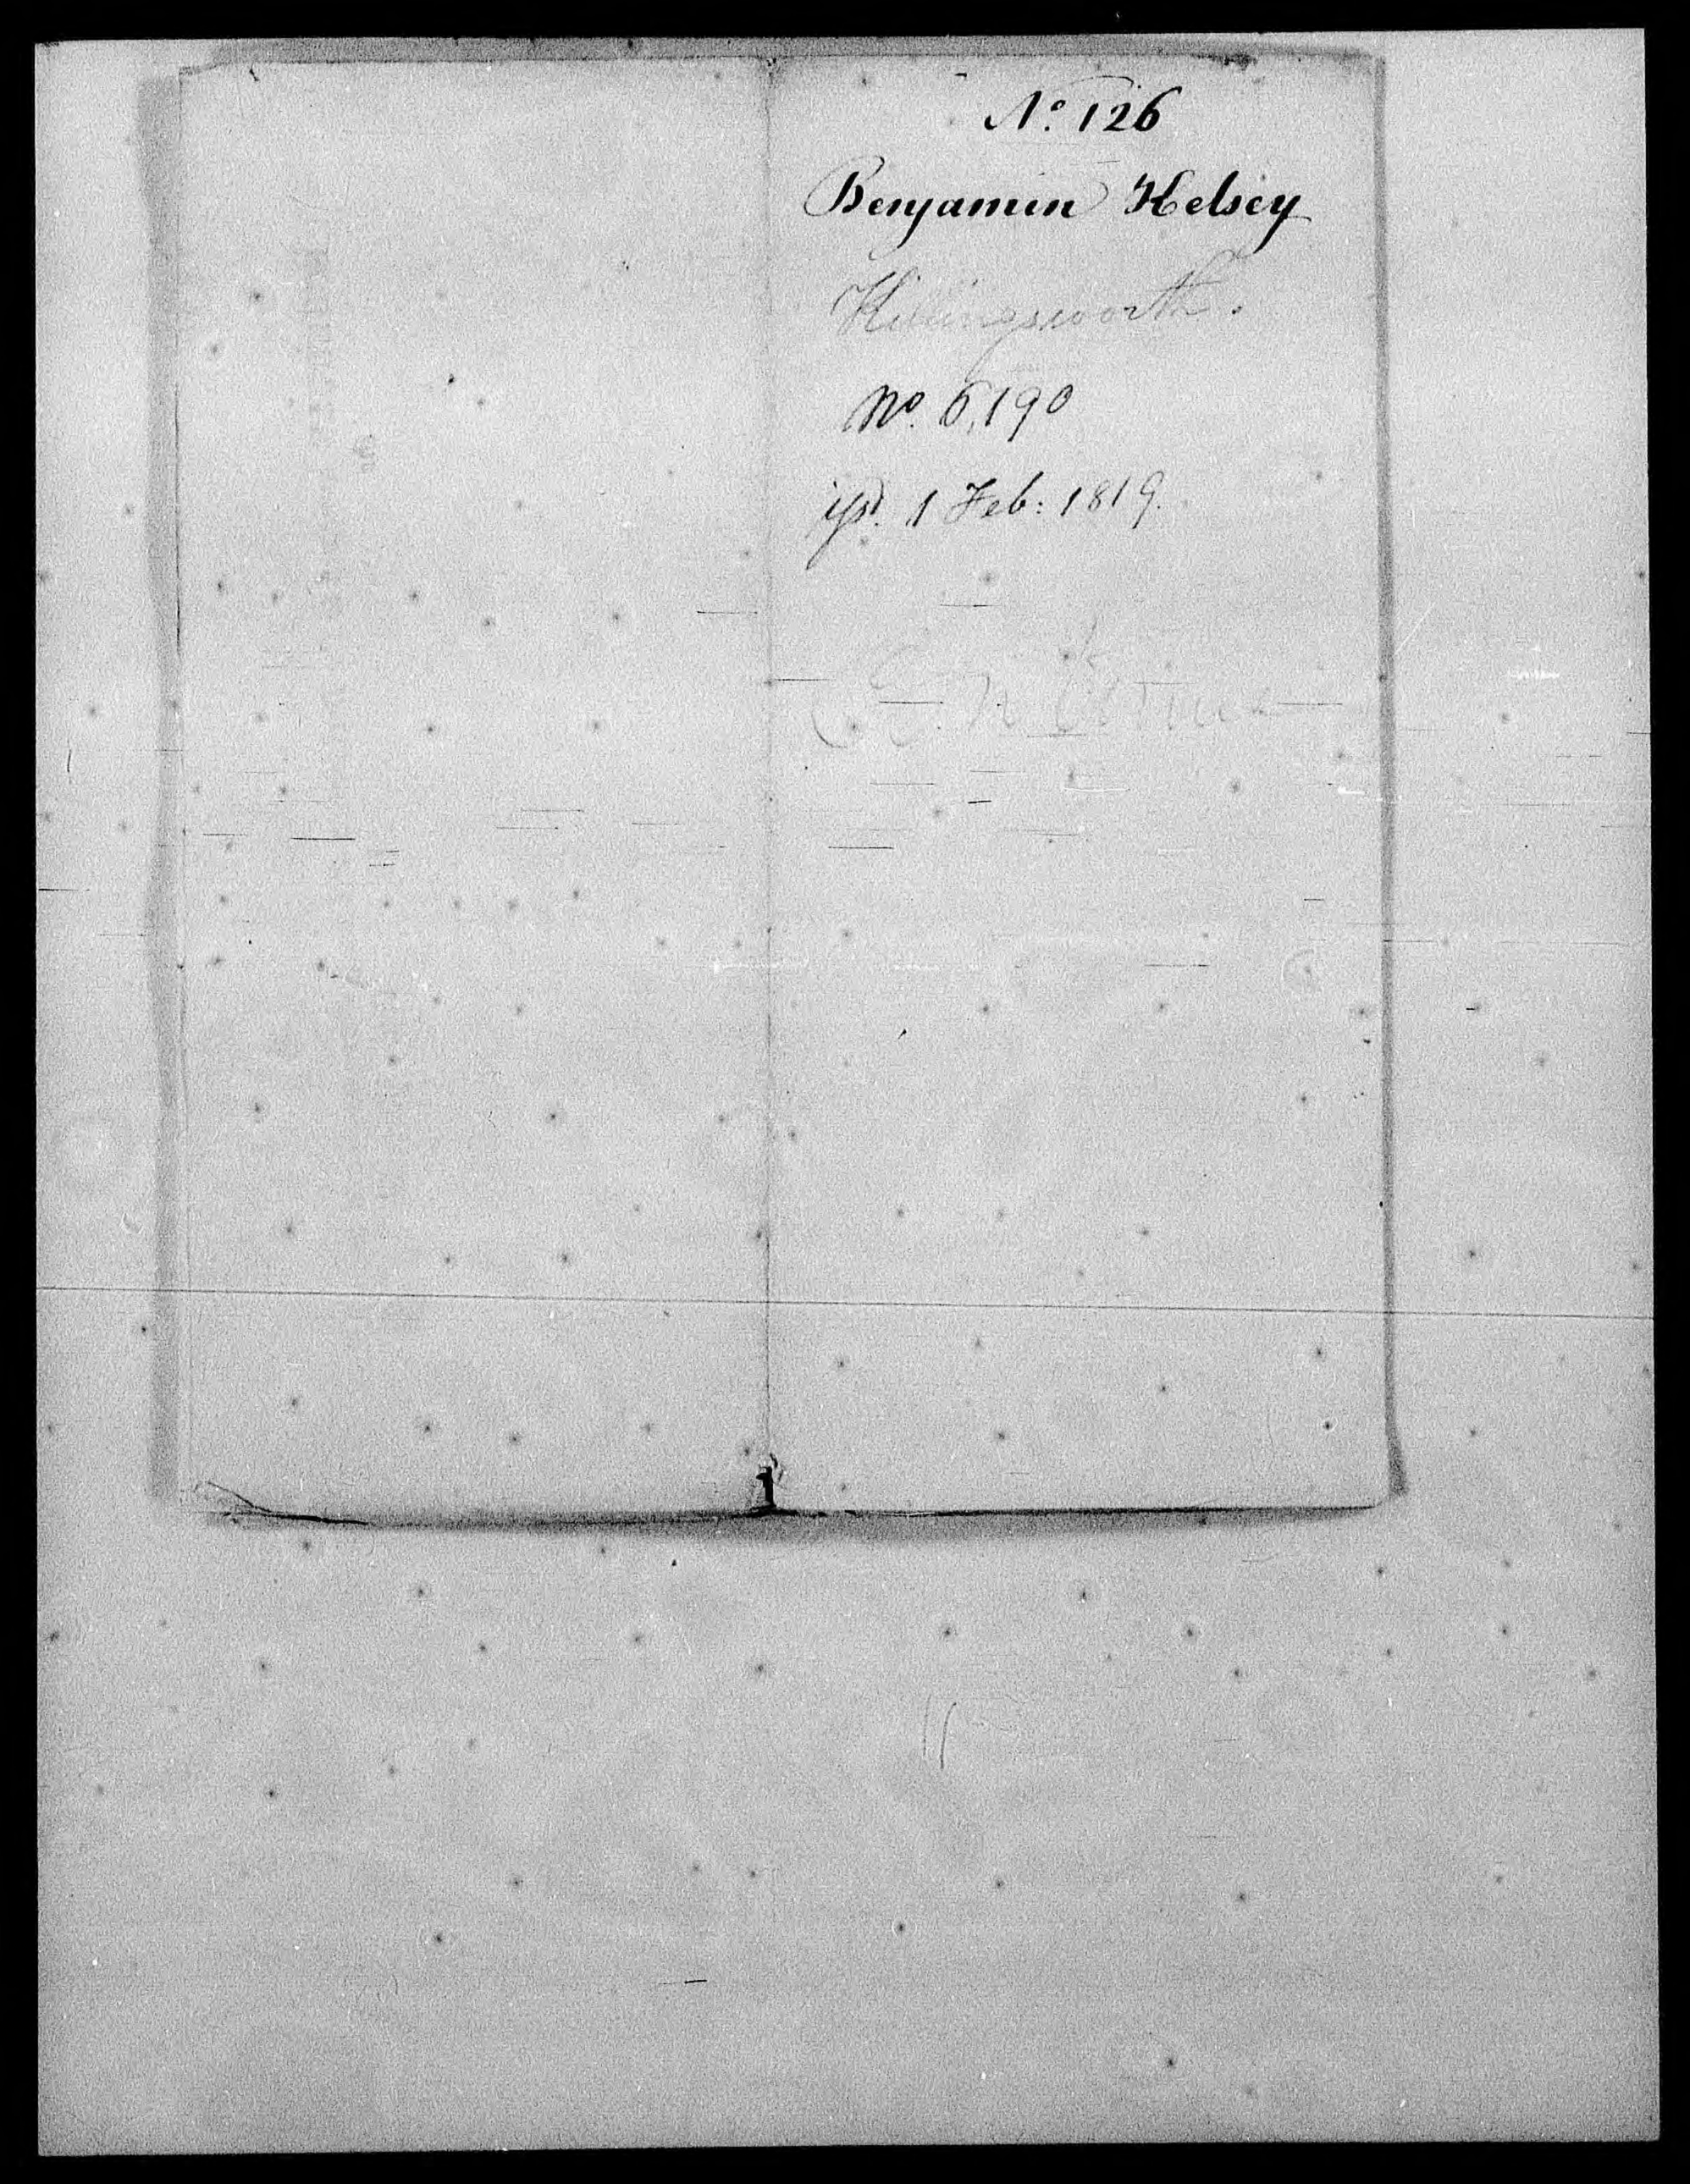No. 126
Benjamin Kelsey
Killingworth
No. 6190
Issued 1 Feb 1819
Continued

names: Benjamin Kelsey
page: 3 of 21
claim: survivor's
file: S. 36676, for Benjamin Kelsey, Connecticut